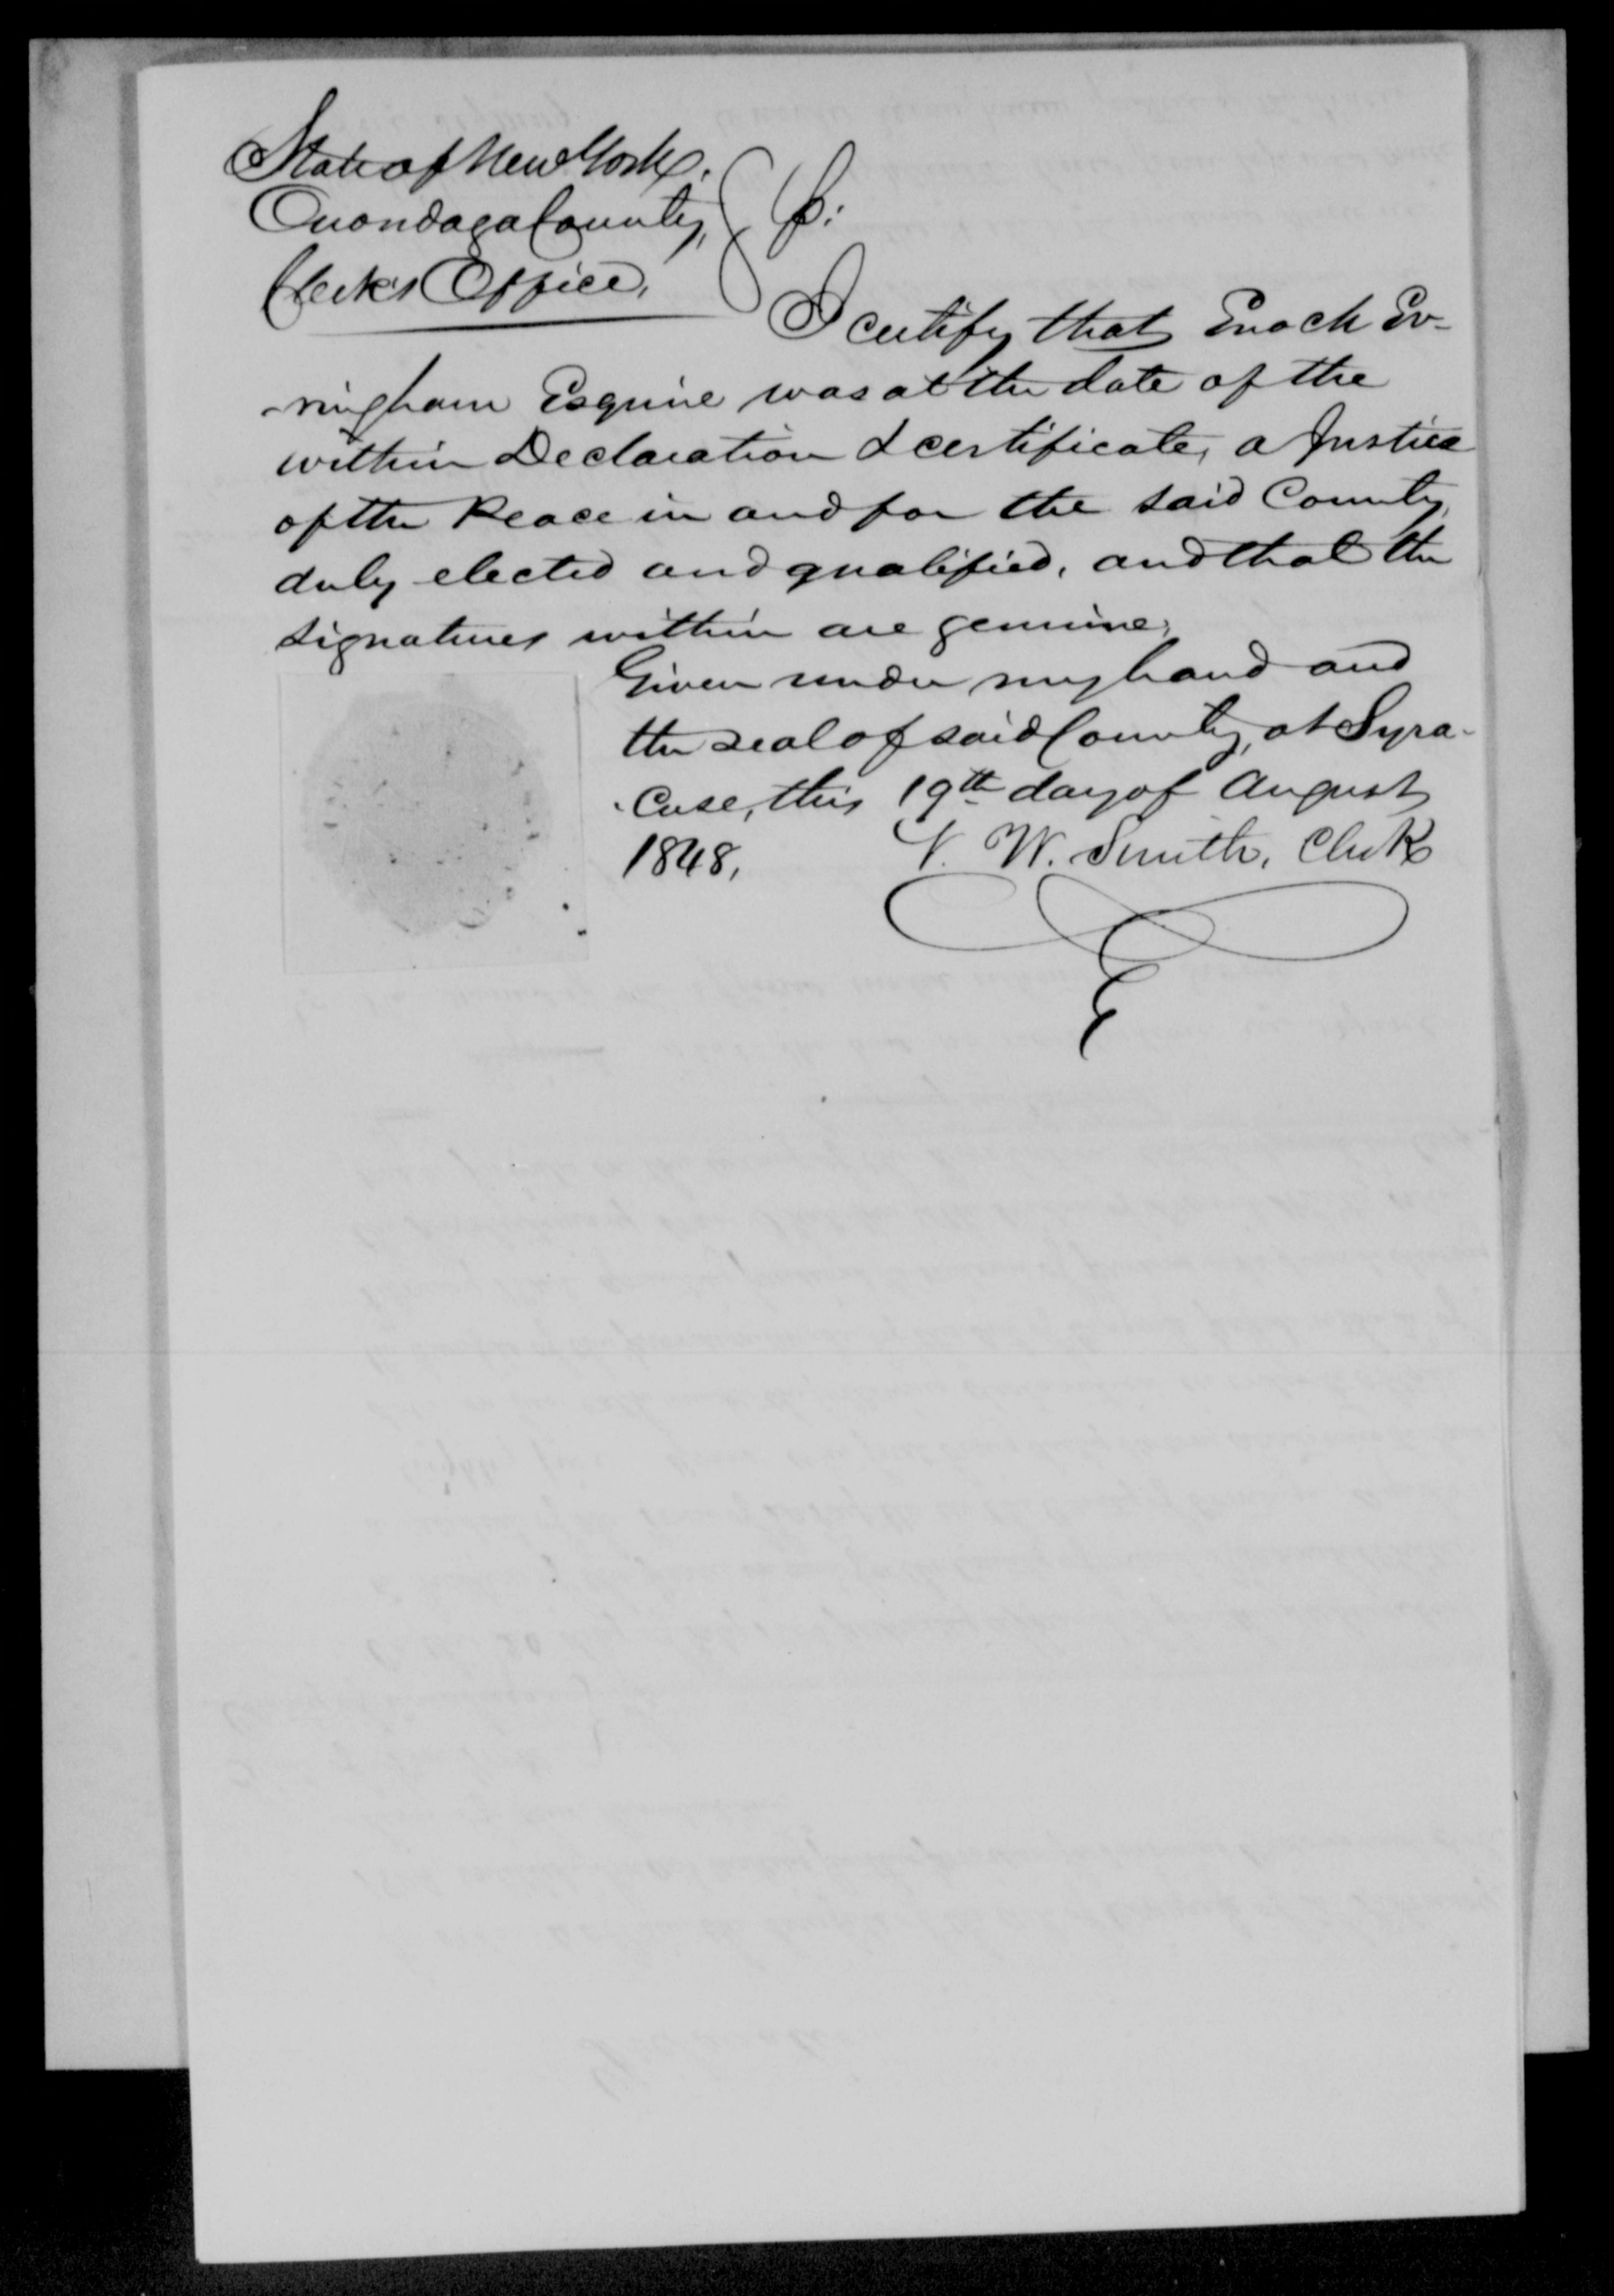State of New York
Onondaga County, sp:
Clerks Office

I certify that Enoch Evringham Esquire was at the date of the within Declaration & certificate, a Justice of the Peace in and for the said County, duly elected and qualified, and that the signatures within are genuine.

Given under my hand and the seal of said County at Syracuse, this 19th day or August 1848 V.W.Smith, Clerk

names: Enoch Evringham, V W Smith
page: 63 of 63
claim: widow's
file: W. 18403, David White, Conn.